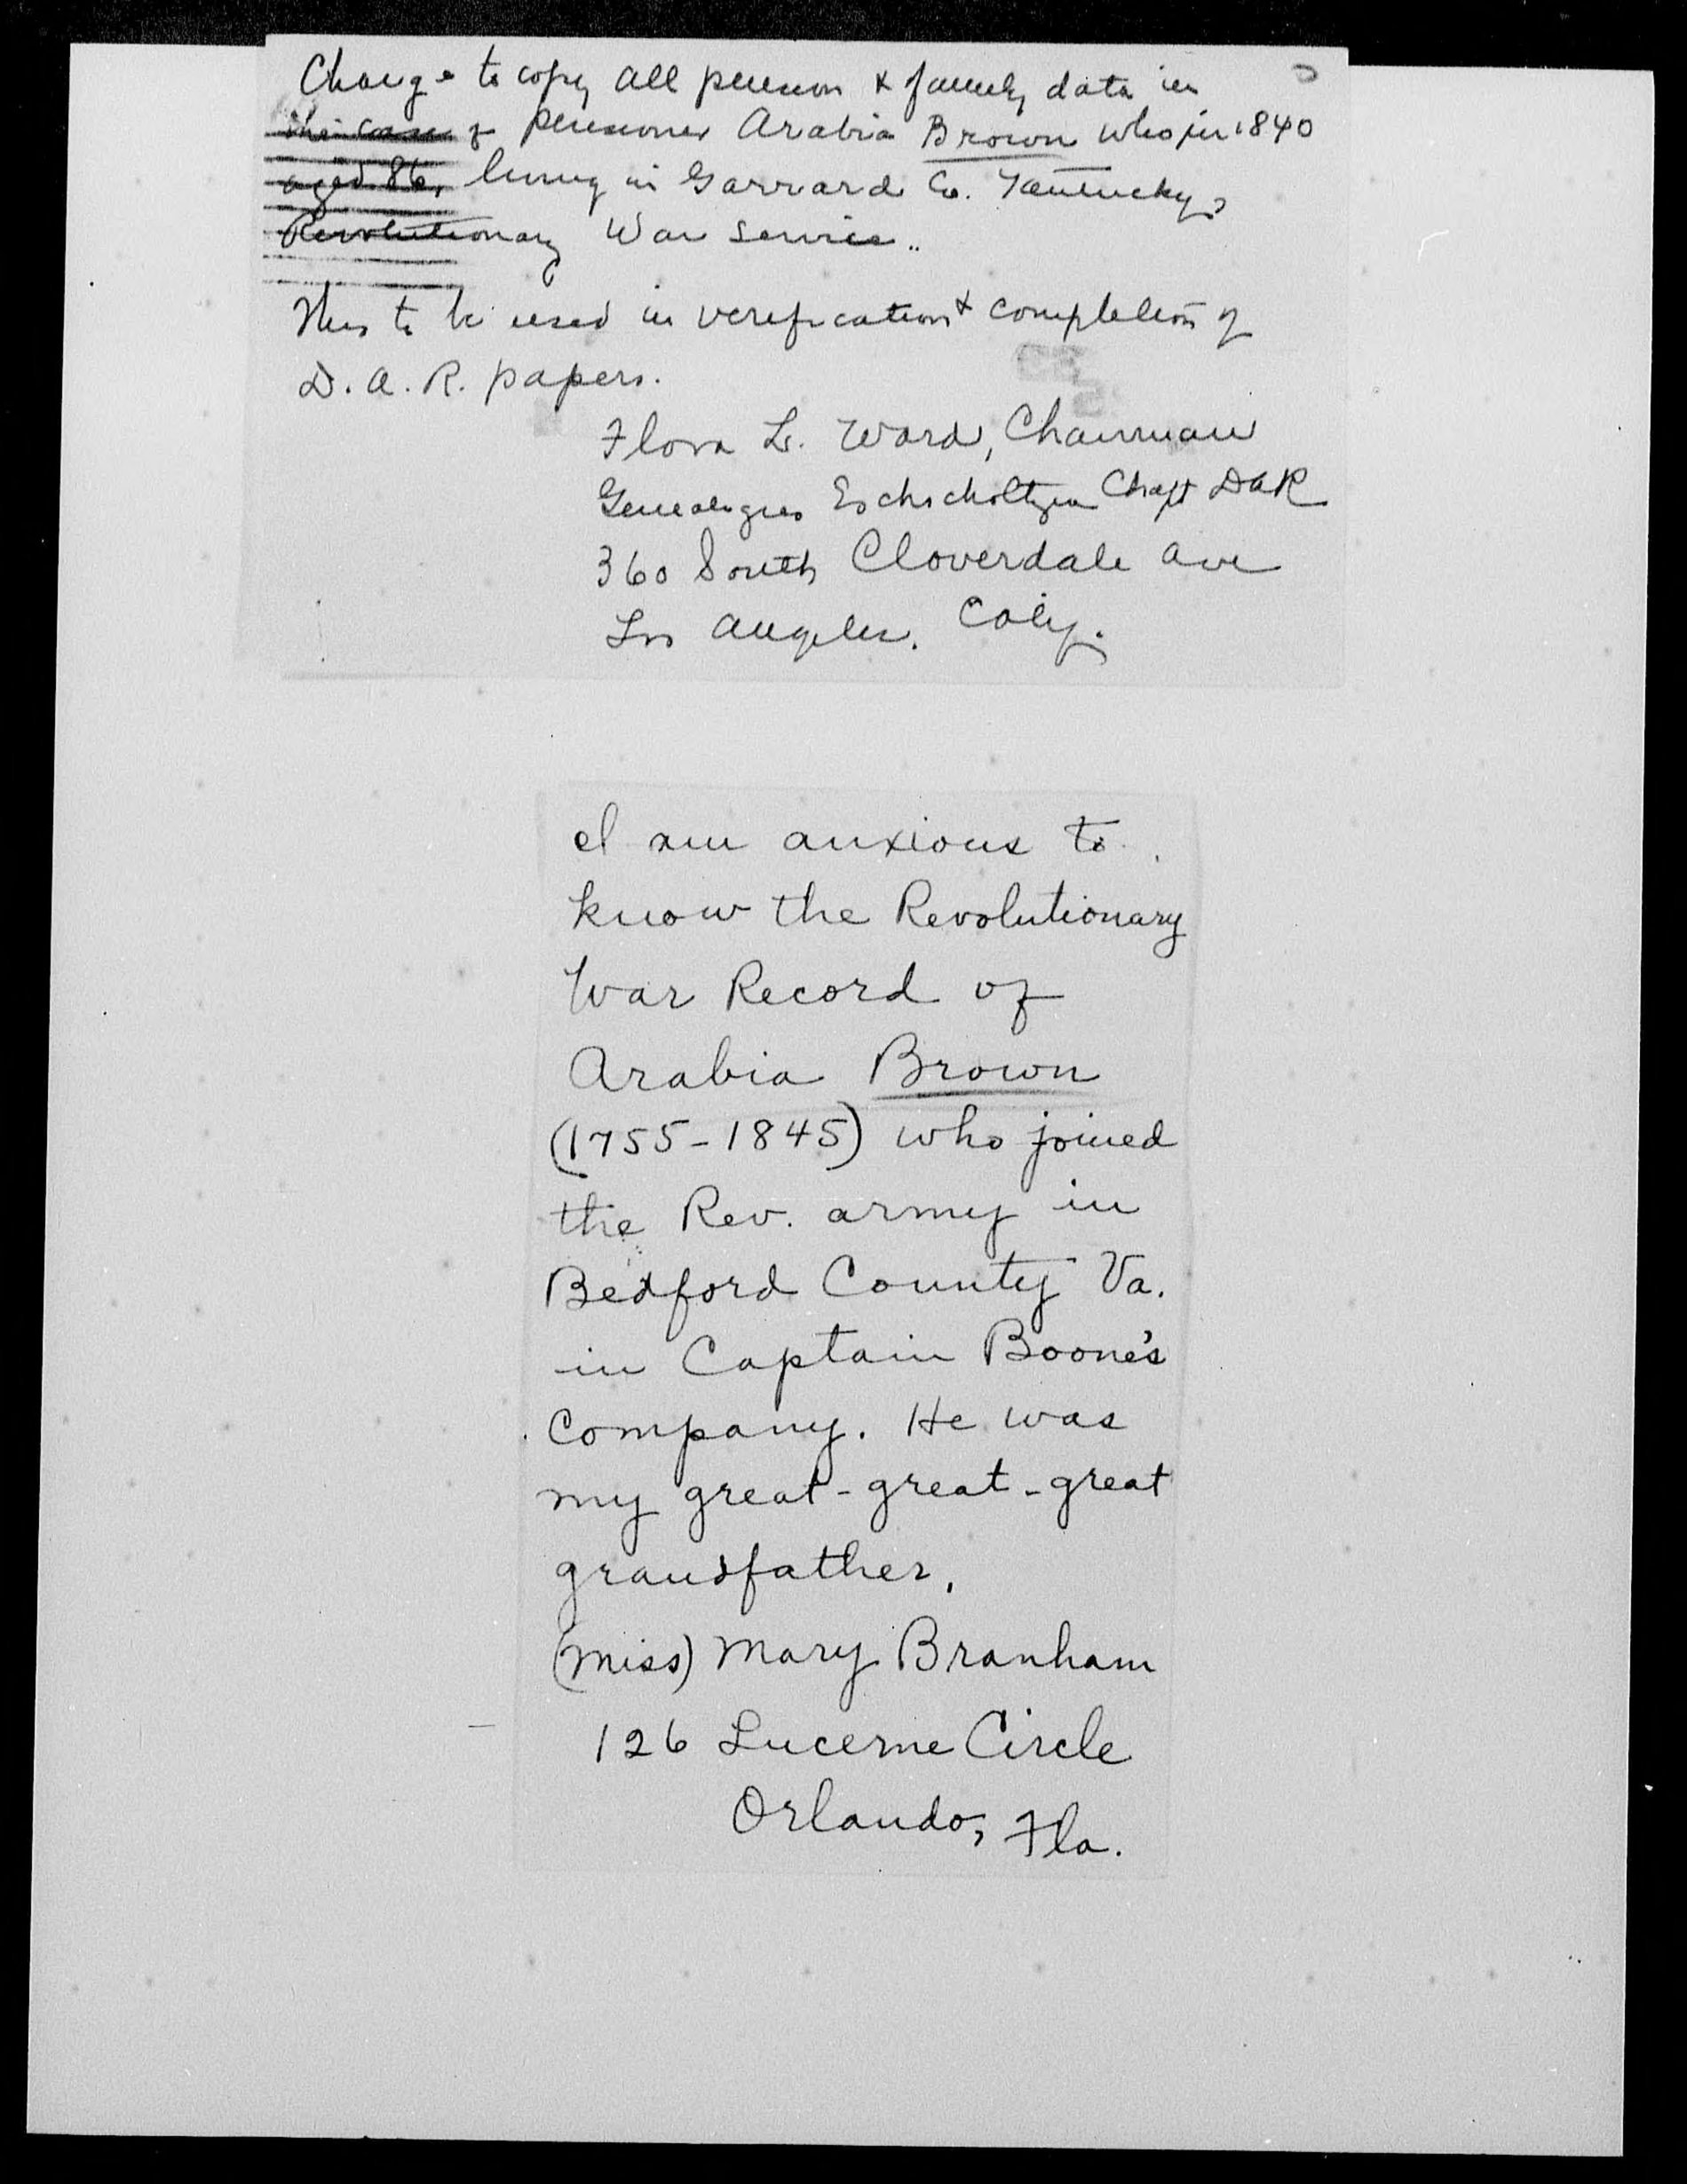Charge to copy all pension & family data in
the case of pensioner Arabia Brown who in 1840
aged 86, living in Garrad Co. Kentucky
Revolutionary War Service.

This to be used in verification & completion of
D.A.R. paper.

Flora L. Ward, Chairman
__________ ___________ Chapter DAR
360 South Cloverdale Ave.
Los Angeles, Calif


I am anxious to know
the Revolutionary 
War Record of
Arabia Brown
(1755-1845) who joined
the Rev. army in
Bedford County VA
in Captain Boone's
Company.  He was
my great-great-great
grandfather.
(Miss) Mary Branham
126 Lucerne Circle
Orlando, Fla.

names: Mary Branham, Arabia Brown, Flora L Ward, Arabia Brown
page: 28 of 65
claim: widow's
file: W. 8384, Arabia Brown, Va.